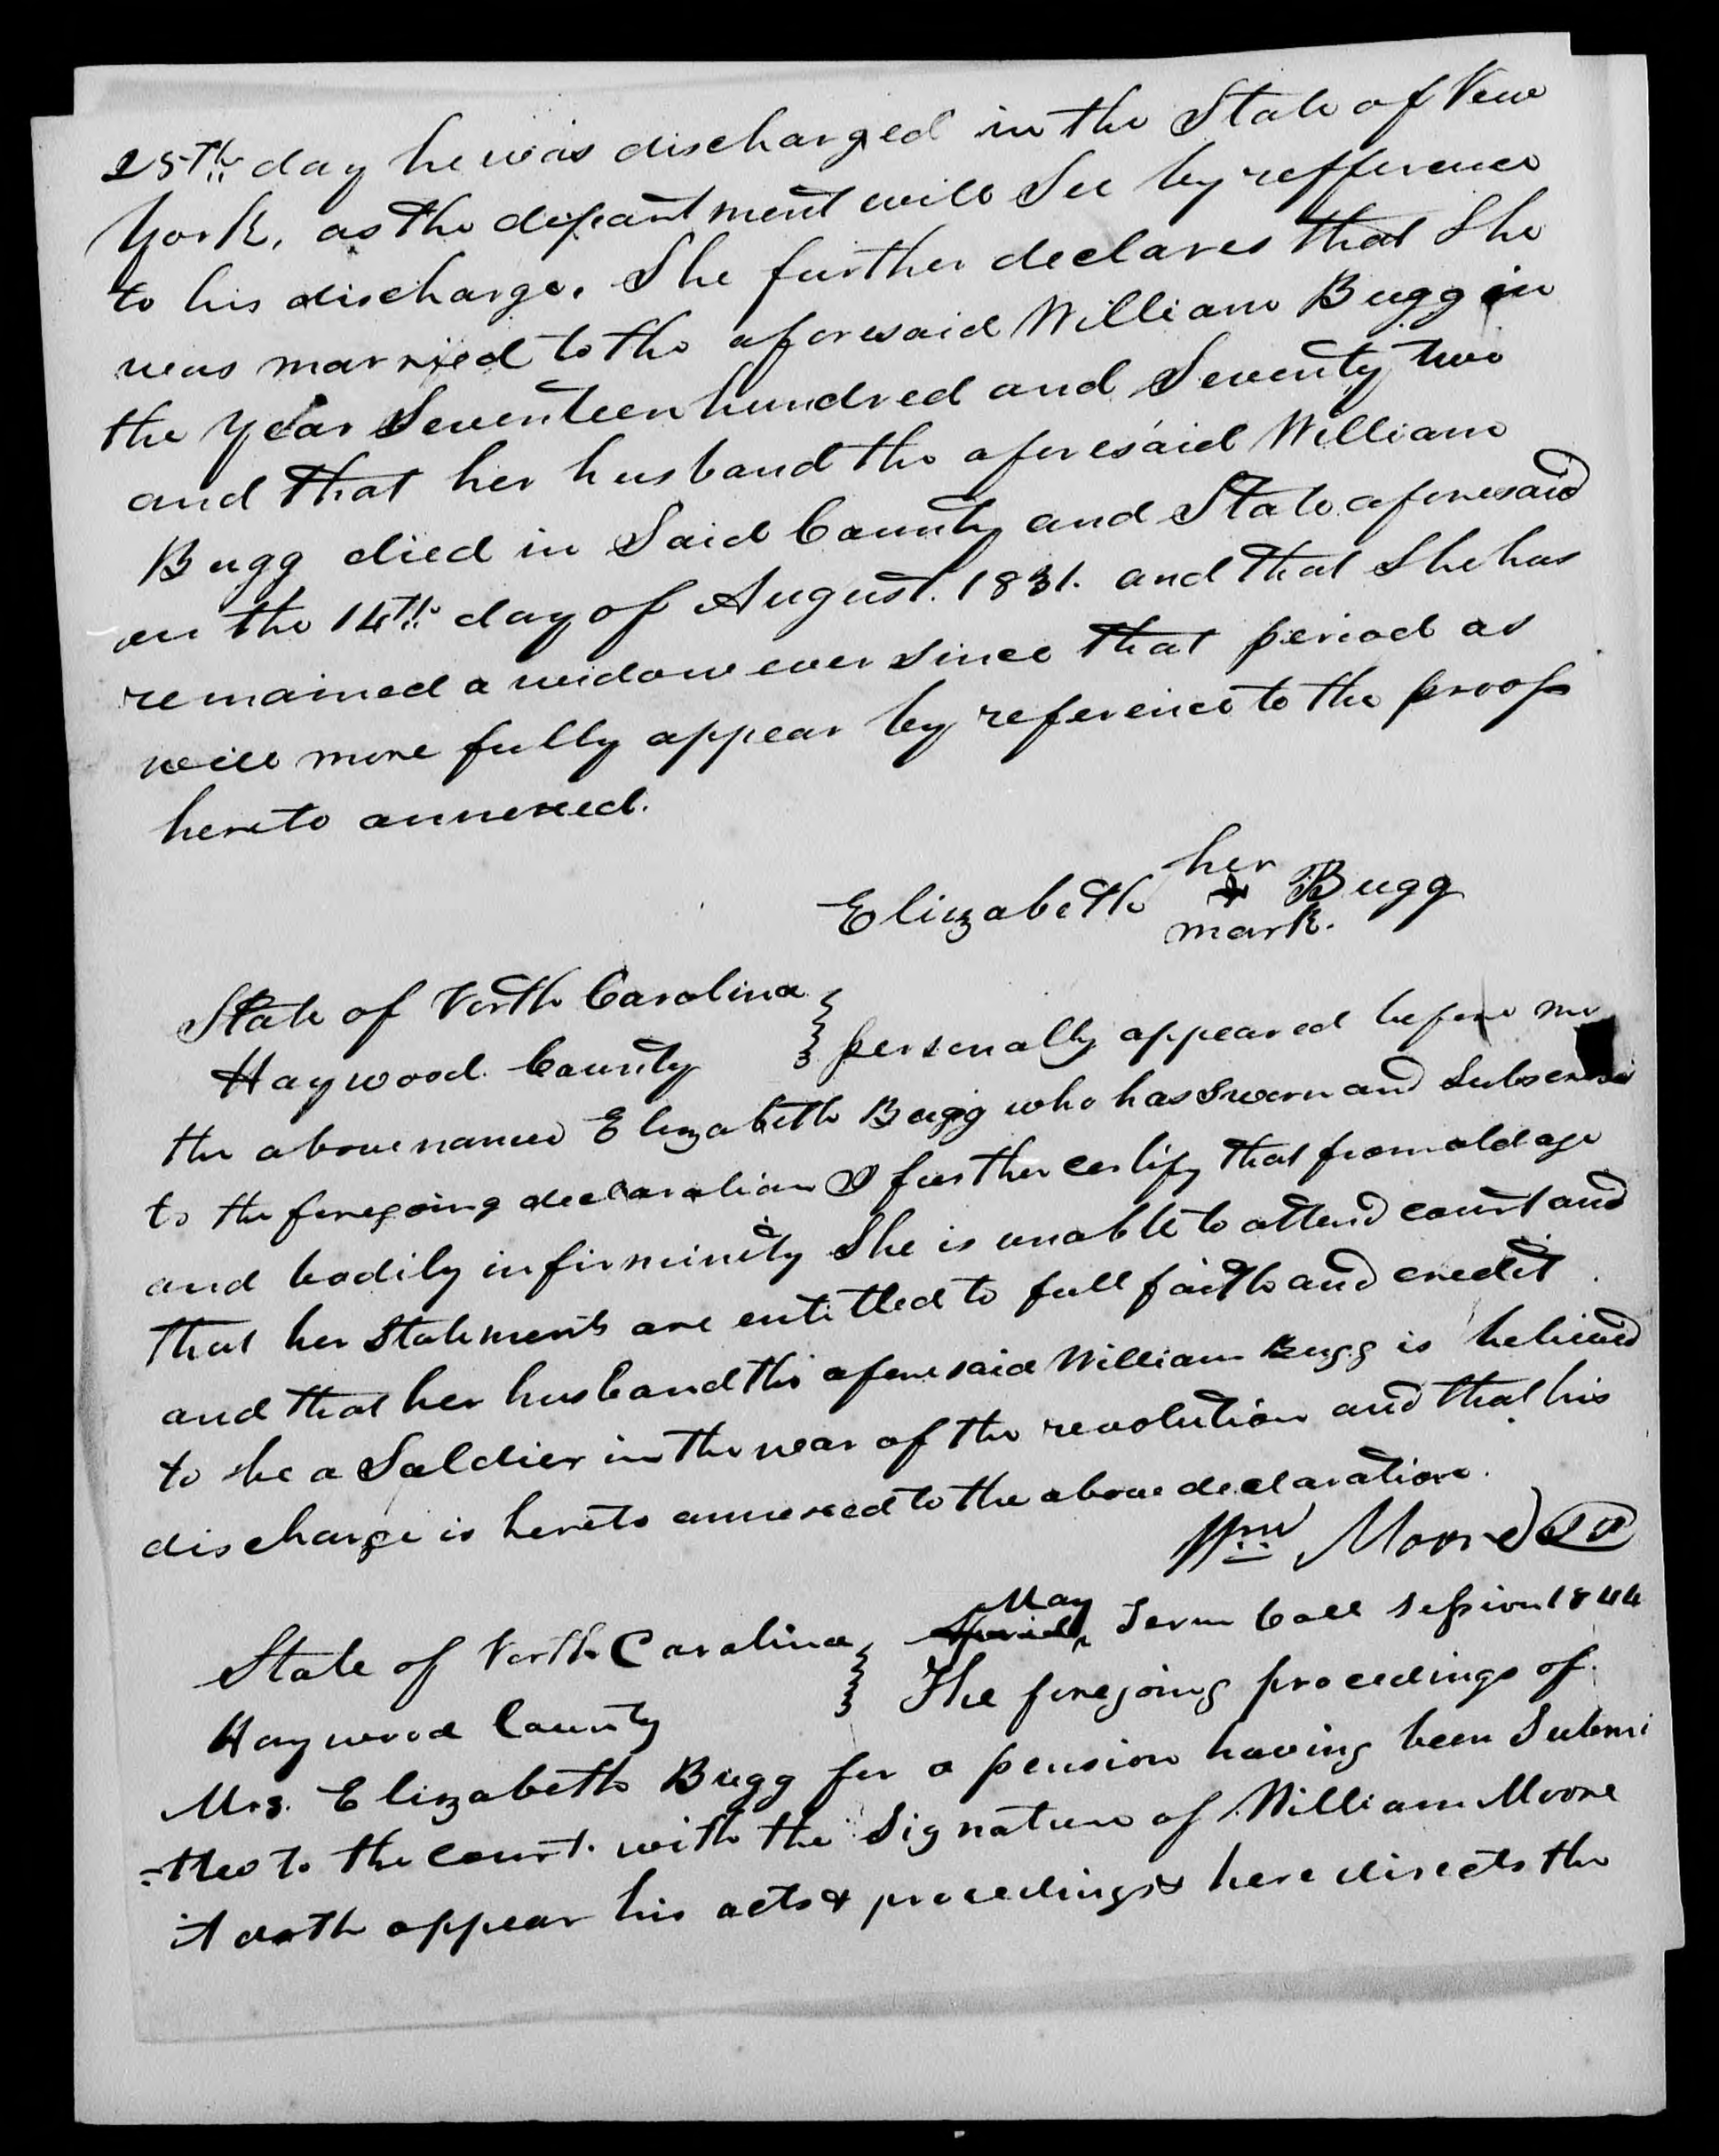25th day he was discharged in the State of New York, as the department will See by refference to his discharge.  She further declares that She was married to the afersaid [or aforesaid] William Bugg in the Year Seventeen hundred and Seventy two and that her husband the afersaid [or aforesaid] William Bugg died in Said County and State afersaid [or aforesaid] on the 14th. day of August 1831. and that She has remained a widow ever Since that period as will more fully appear by reference to the proof [or proofs] hereto annexed.  Elizabeth [her + mark] Bugg

State of North Carolina
Haywood County
persenally appeared before me the above named Elizabeth Bugg who has Swern [or Sworn] and Subscribed to the feregoing [or foregoing] declaration  I further certify that from old age and bodily infirminity She is unable to attend court and that her Statements are entitled to full faith and credit and that her husband the aforesaid William Bugg is believed to be a Soldier in the war of the revolution and that his discharge is hereto annexed to the above declaration.  Wm Moore [here the word "Seal" is encircled.]

State of North Carolina
Haywood County

[Here what appears to be the word "April" has been crossed out, with "May" written above.]  Term Call Session 1844 
The firegoing [or foregoing] procedings of Mrs. Elizabeth Bugg fer [or for] a pension having been Submitted to the court. with the Signature of William Moore it doth appear his acts & procedings & here directs the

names: Elizabeth Bugg, William Bugg, Elizabeth Bugg, William Bugg, William Bugg, Wm Moore, Elizabeth Bugg, William Moore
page: 5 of 50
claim: widow's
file: W. 898, William Bugg, N.C.